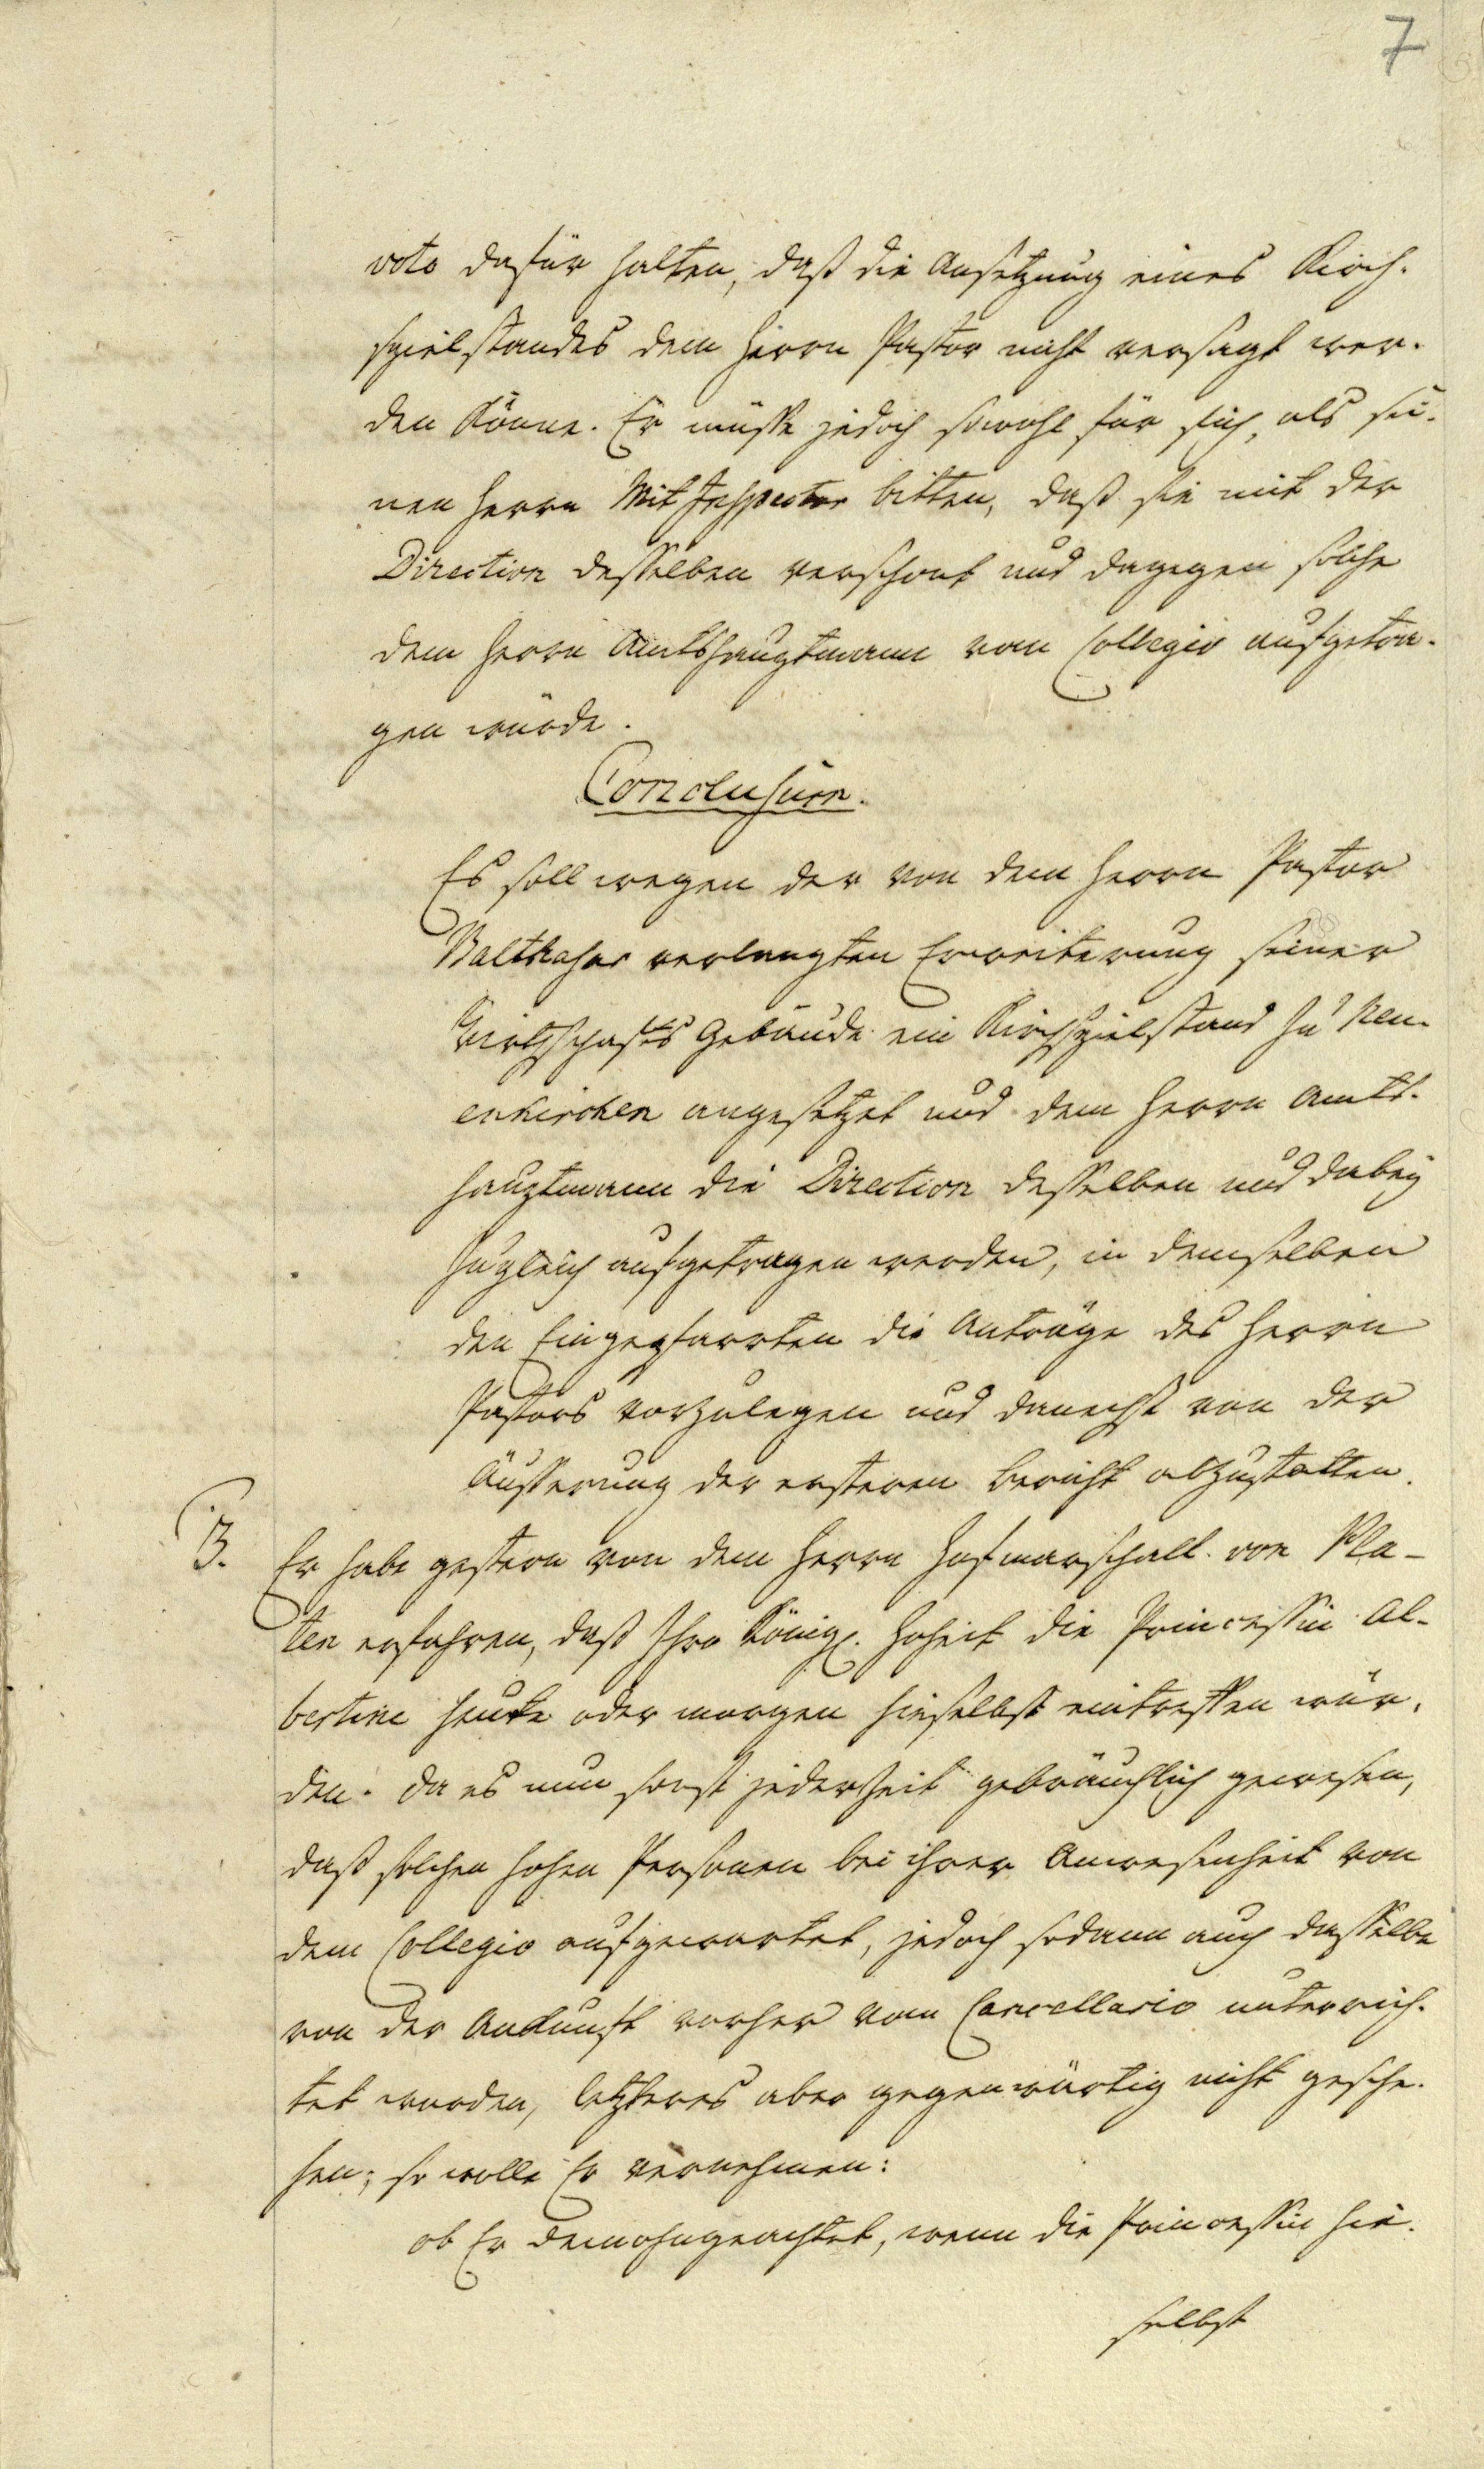voto dafür halten, daß die Ansetzung eines Kirch¬
spielstandes dem Herrn Pastor nicht versagt wer¬
den könne. Er müsse jedoch sowohl für sich als sei¬
nen herrn Mit Inspector bitten, daß sie mit der
Direction desselben verschont und dagegen solche
dem herrn Amtshauptmann vom Collegio aufgetra¬
gen würde.
Conclusum.
Es soll wegen der von dem herrn Pastor
Balthasar verlangten Erweiterung seiner
Wirthschafts Gebäude ein Kirchspielstand zu Neu¬
enkirchen angesetzet und dem herrn Amts¬
hauptmann die Direction desselben und dabeÿ
zugleich aufgetragen werden, in demselben
den Eingepfarrten die Anträge des herrn
Pastors vorzulegen und danechst von der
Äusserung der ersteren Bericht abzustatten.
3. Er habe gestern von dem Herrn Hofmarschall von Pla¬
ten erfahren, daß Ihre Königl. Hoheit die Princessin Al¬
bertine heute oder morgen hieselbst eintreffen wür¬
den. da es nun sonst jederzeit gebräuchlich gewesen,
daß solchen hohen Personen bei ihrer Anwesenheit von
dem Collegio aufgewartet, jedoch sodann auch dasselbe
von der Ankunft vorher vom Cancellario unterrich¬
tet worden, letzteres aber gegenwärtig nicht gesche¬
hen; so wolle Er vernehmen:
ob Er demohngeachtet, wenn die Princessin hie¬
selbst